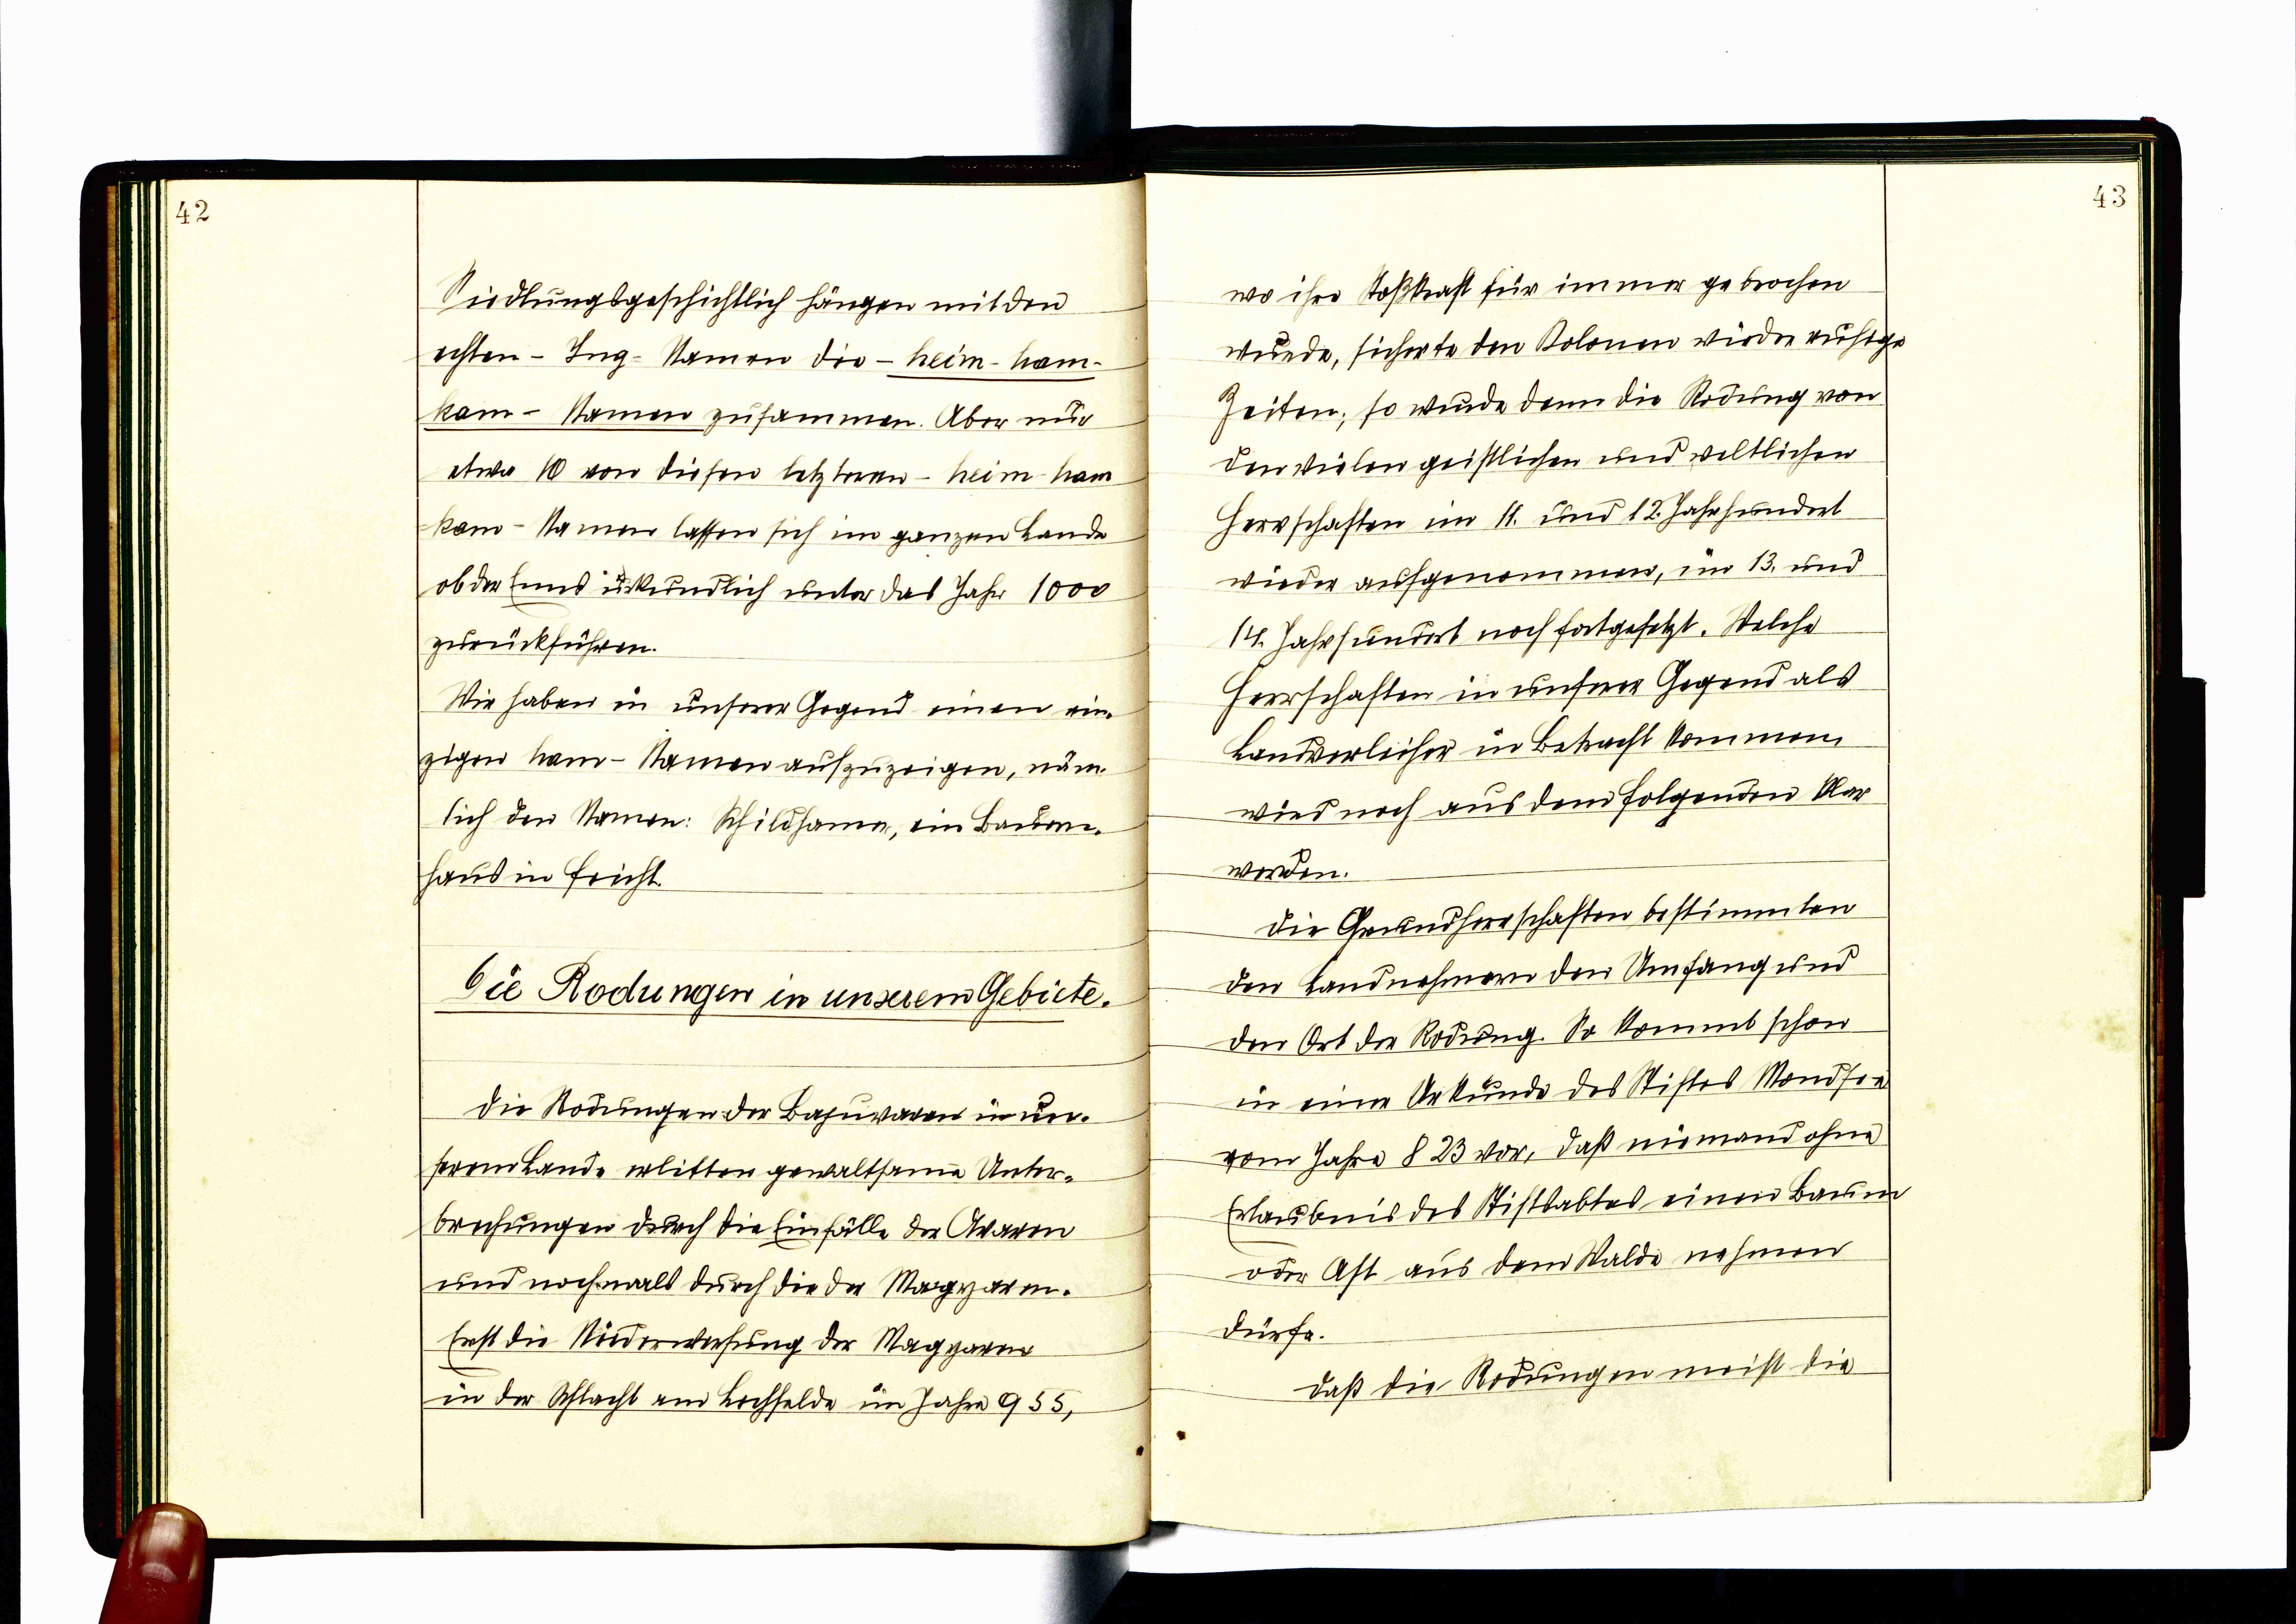Siedlungsgeschichtlich hängen mit den
echten - Ing-Namen die - heim - ham -
kam - Namen zusammen. Aber nur
etwa 10 von diesen letzteren -heim -ham
-kam - Namen lassen sich im ganzen Lande
ob der Enns urkundlich unter das Jahr 1000
zurückführen.
Wir haben in unserer Gegend einen ein-
zigen ham- Namen aufzuzeigen, näm-
lich den Namen: Schildhame, ein Bauern-
haus in Feicht.
Die Rodungen in unserem Gebiete.
Die Rodungen der Bajuwaren in un-
serem Lande erlitten gewaltsame Unter-
brechungen durch die Einfälle der Avaren
und nochmals durch die der Magyaren.
Erst die Niederwerfung der Magyaren
in der Schlacht am Lechfelde im Jahre 955,
wo ihre Stoßkraft für immer gebrochen
wurde, sicherte den Kolonen wieder ruhige
Zeiten; so wurde denn die Rodung von
den vielen geistlichen und weltlichen
Herrschaften im 11. und 12. Jahrhundert
wieder aufgenommen, im 13. und
14. Jahrhundert noch fortgesetzt. Welche
Herrschaften in unserer Gegend als
Landverleiher in Betracht kommen
wird noch aus dem folgenden klar
werden.
Die Grundherrschaften bestimmten
den Landnehmern den Umfang und
den Ort der Rodung. So kommt schon
in einer Urkunde des Stiftes Mondsee
vom Jahre 823 vor, daß niemand ohne
Erlaubnis des Stiftsabtes einen Baum
oder Ast aus dem Walde nehmen
dürfe.
Daß die Rodungen meist die